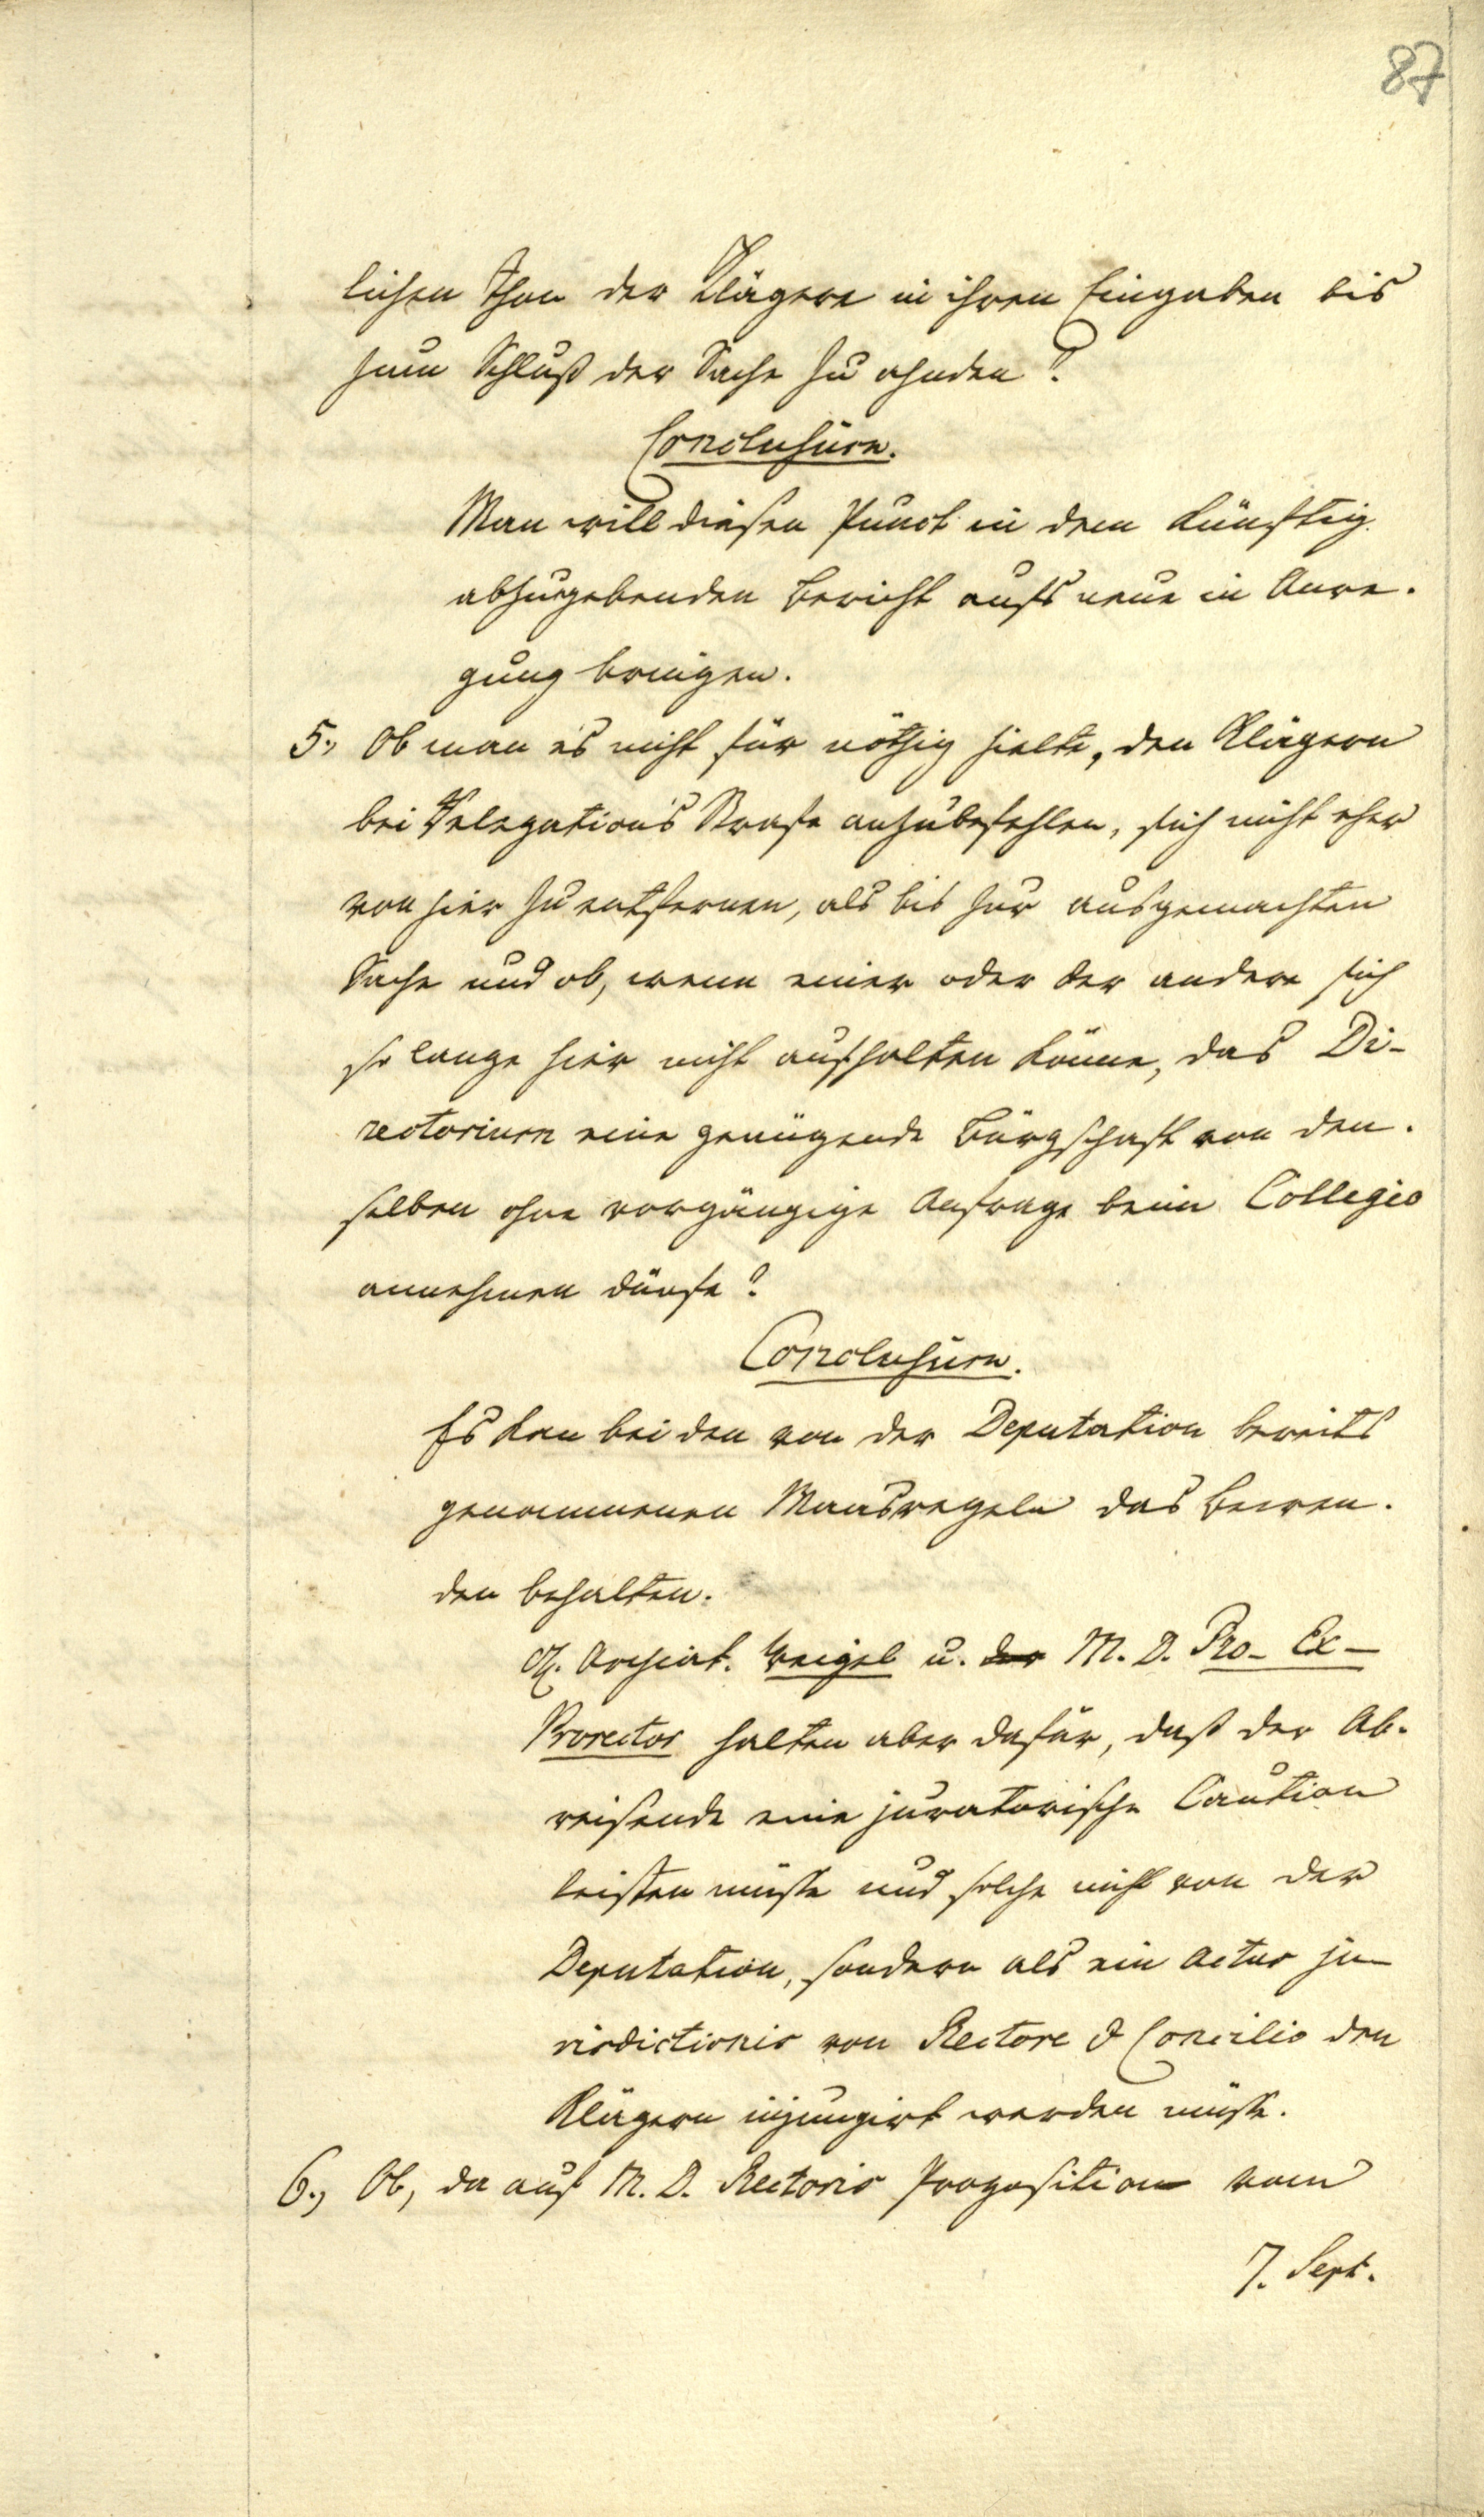lichen Thon der Klägere in ihren Eingaben bis
zum Schluß der Sache zu ahnden?
Conclusum.
Man will diesen Punct in dem künftig
abzugebenden Bericht aufs neue in Anre¬
gung bringen.
5., Ob man es nicht für nöthig hielte, den Klägern
bei Relegations Strafe anzubefehlen, sich nicht eher
von hier zu entfernen, als bis zur ausgemachten
Sache und ob, wenn einer oder der andere sich
so lange hier nicht aufhalten könne, das Di¬
rectorium eine genügende Bürgschaft von den¬
selben ohne vorgängige Anfrage beim Collegio
annehmen dürfe?
Conclusum.
Es kan bei den von der Deputation bereits
genommenen Maasregeln das Bewen¬
den behalten.
dh. Archiat. Weigel, u. der M. D. Pro. Ex¬
Prorector halten aber dafür, daß der Ab¬
reisende eine juratorische Caution
leisten müsse und solche nicht von der
Deputation, sondern als ein Actus ju¬
risdictionis von Rectore et Concilio den
Klägern injungirt werden müsse.
6., Ob, da auf M. D. Rectoris Proposition vom
7. Sept.